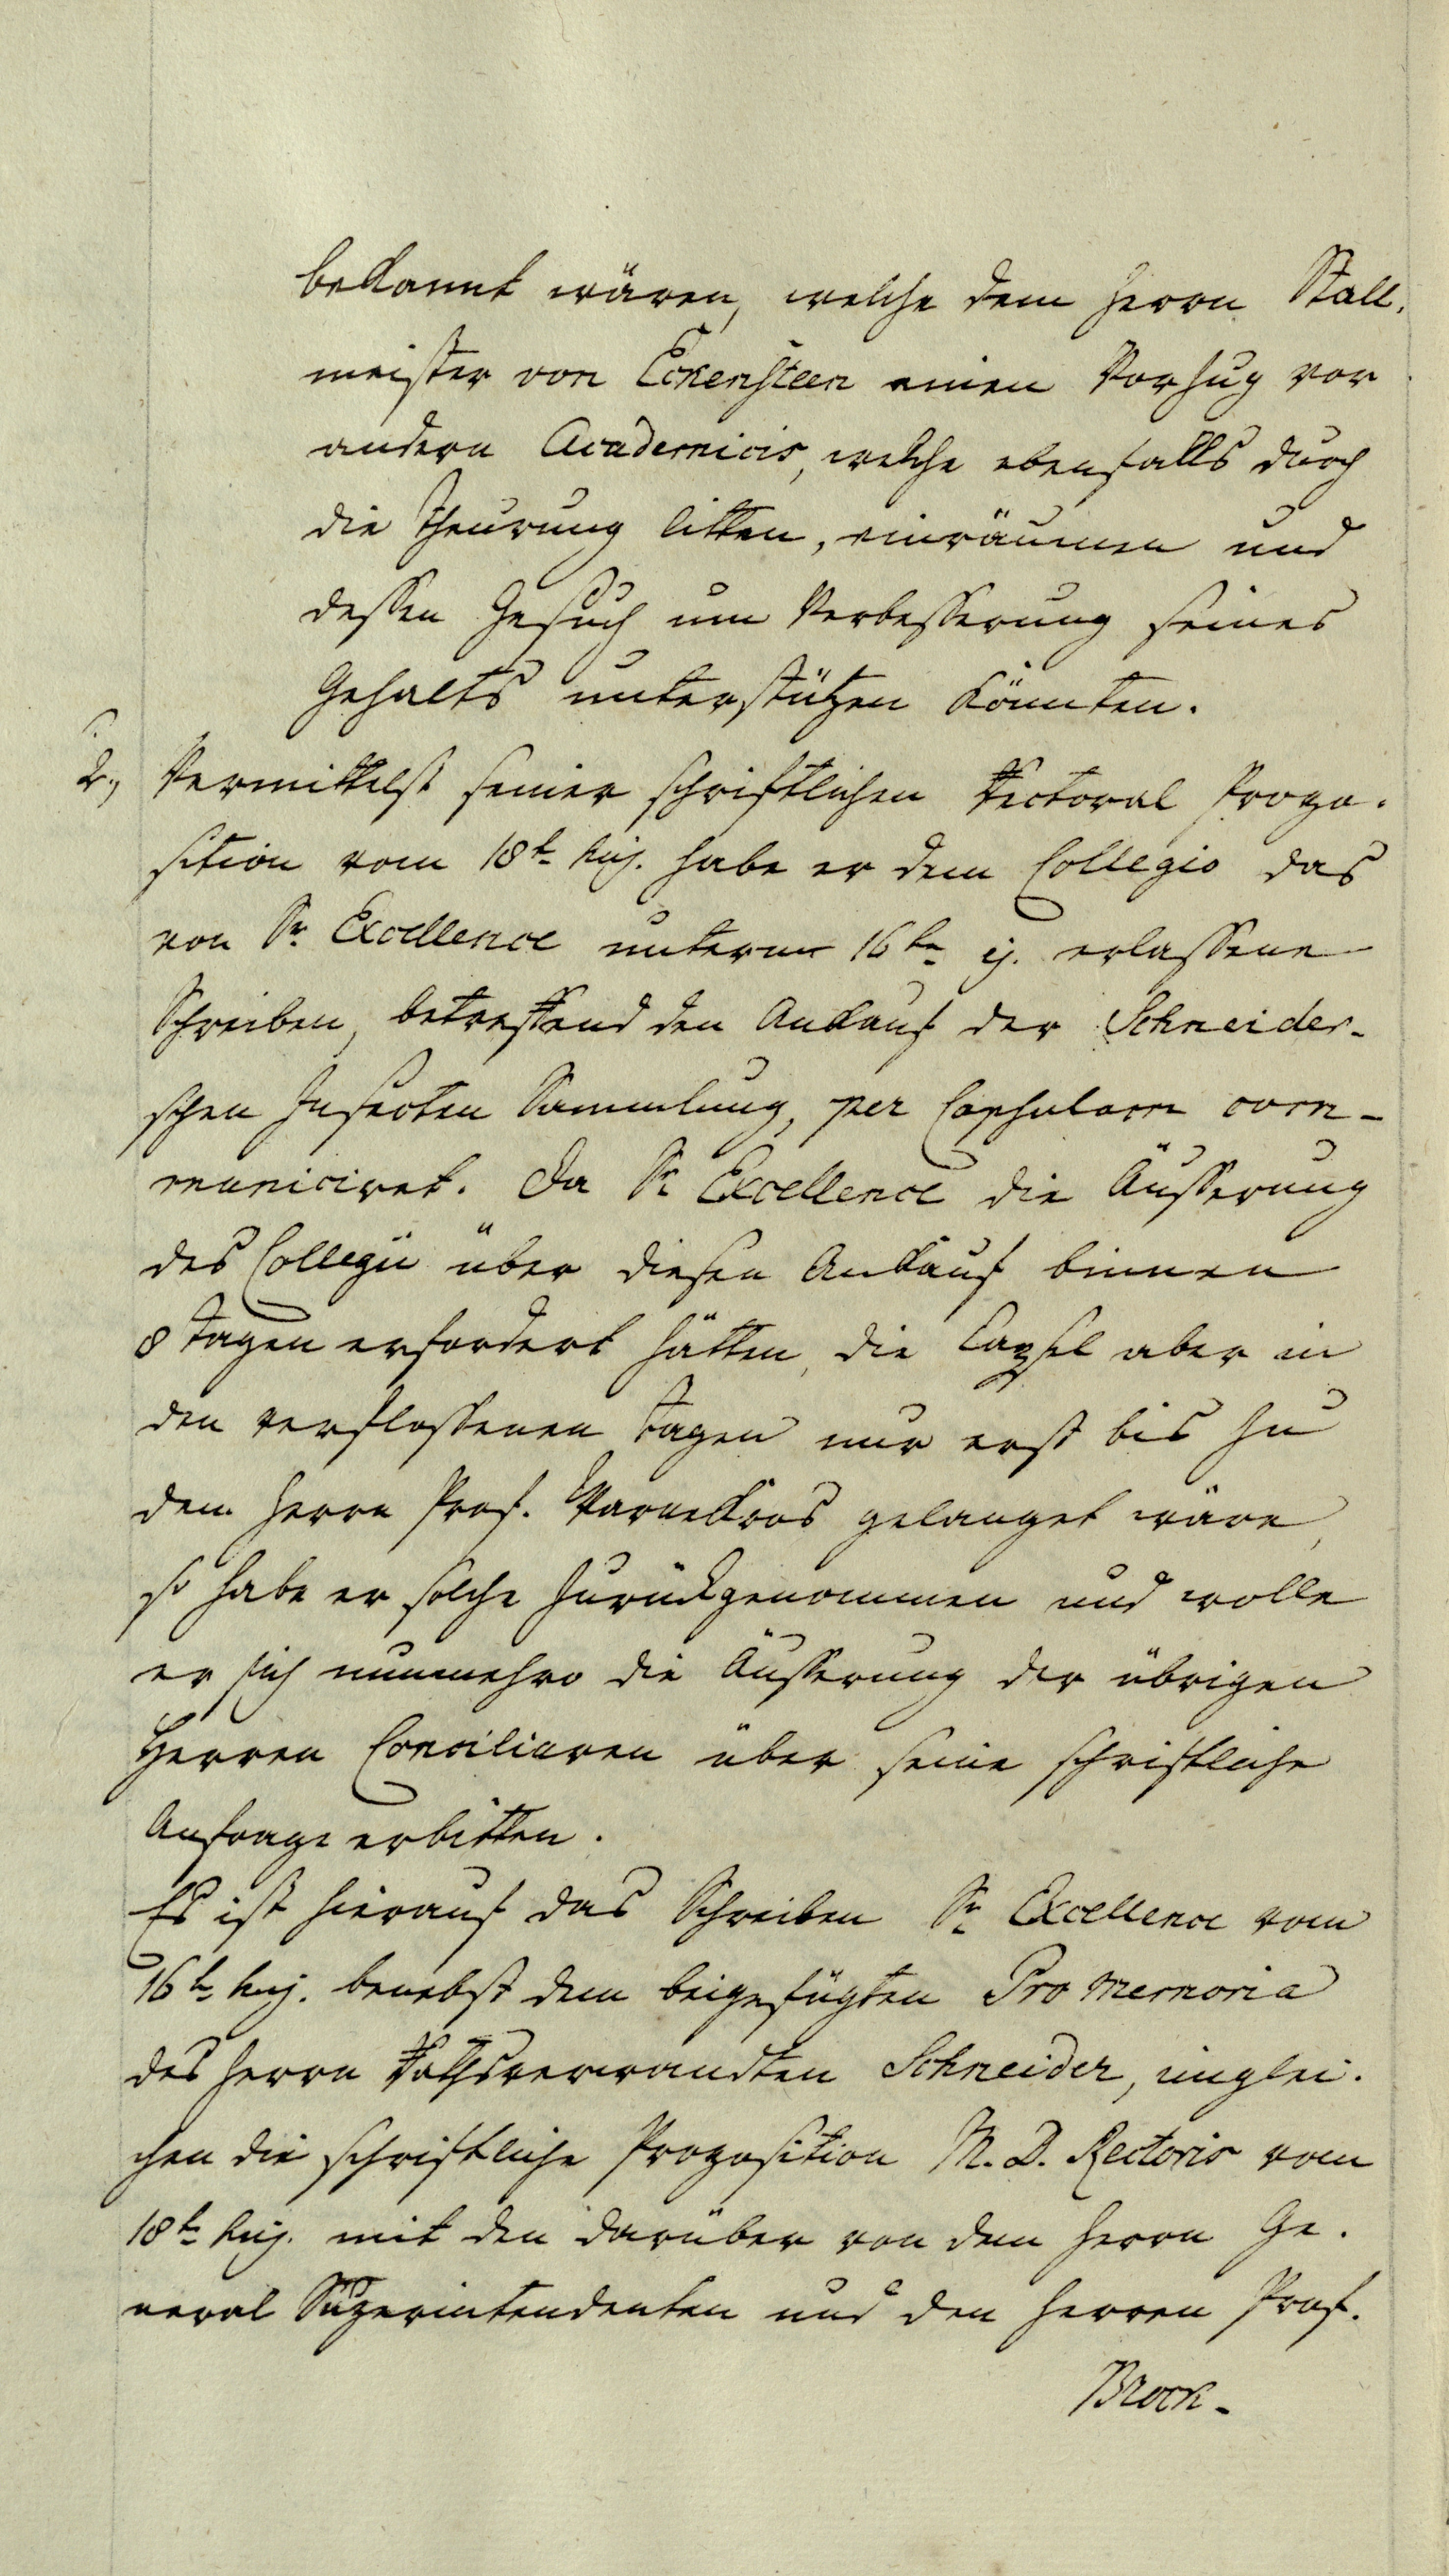bekannt wären welche dem Herrn Stall¬
meister von Eckensteen einen Vorzug vor
andern Academicis, welche ebenfalls durch
die Theurung litten, einräumen und
dessen Gesuch um Verbesserung seines
Gehalts unterstützen könnten.
2., Vermittelst seiner schriftlichen Rectoral Propo¬
sition vom 18. huj. habe er dem Collegio das
von Sr Excellence unterm 16 ten ej. erlassene
Schreiben, betreffend den Ankauf der Schneider¬
schen Insecten Sammlung, per Capsulam com¬
municiret. Da Sr Excellence die Äusserung
des Collegii über diesen Ankauf binnen
8 Tagen erfordert hätten, die Capsel aber in
den verflossenen Tagen nur erst bis zu
dem Herrn Prof. Warnekros gelanget wäre,
so habe er solche zurückgenommen und wolle
er sich nunmehro die Äusserung der übrigen
Herren Conciliaren über seine schriftliche
Anfrage erbitten.
Es ist hierauf das Schreiben Sr Excellence vom
16 huj. benebst dem beigefügten Prof memoria
des Herrn Rathsverwandten Schneider, imglei¬
chen die schriftliche Proposition M. D. Rectoris vom
18 t huj. mit den darüber von dem Herrn Ge¬
neral Superintendenten und den Herren Prof.
Brock¬